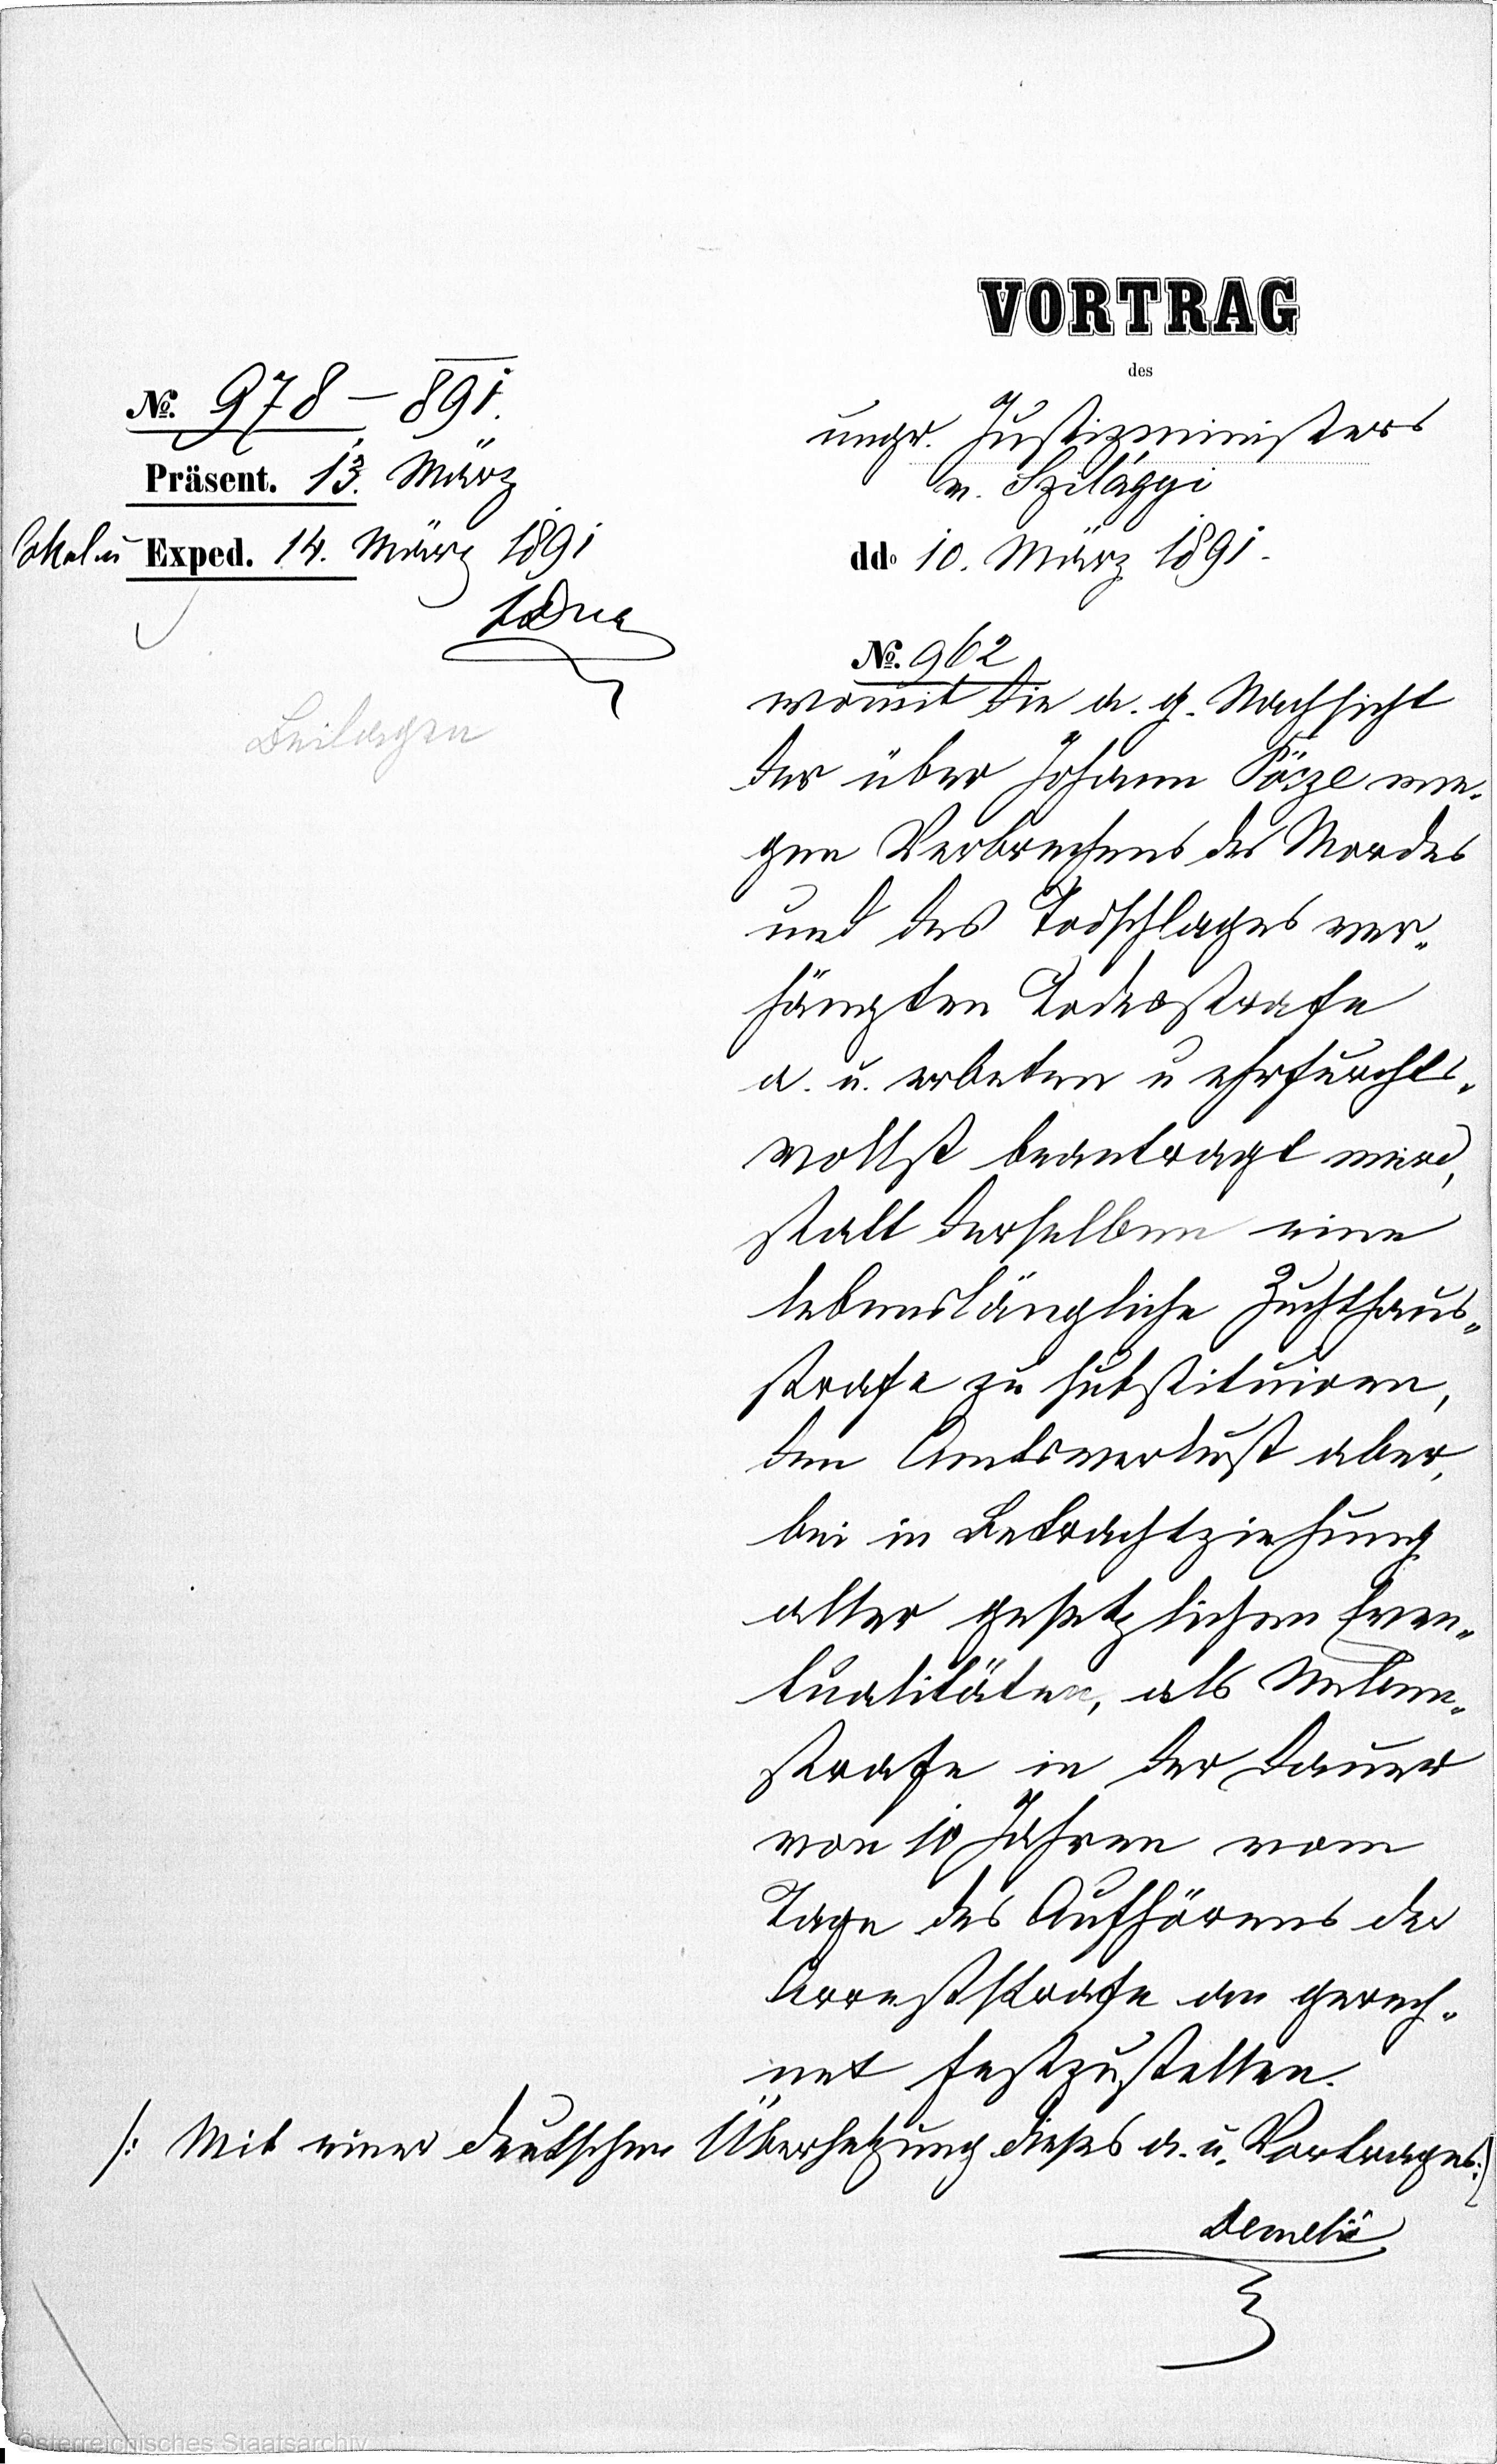VORTRAG
Des
ungr. Justizministers
v. Szilágyi
Ddo 10 März 1891
No 962
Womit die a.g. Nachsicht
der über Johann Pöcze we¬
gen Verbrechens des Mordes
und des Todschlages ver¬
hängten Todesstrafe
a.u. erbeten u ehrfurchts¬
vollst beantragt wird,
statt derselben eine
lebenslängliche Zuchthaus¬
strafe zu substituiren,
den Amtsverlust aber,
bei in Betrachtziehung
aller gesetzlichen Even¬
tualitäten, als Neben¬
strafe in der Dauer
von 10 Jahren vom
Tage des Aufhörens der
Arreststrafe am gerech¬
net festzustellen.
(Mit einer deutschen Übersetzung dieses a.u. Vortrages)
Demetić
No. 978– 1891
Präsent. 13. März
Comal u. Expedit 14/2/1891
[sign]
Beilagen